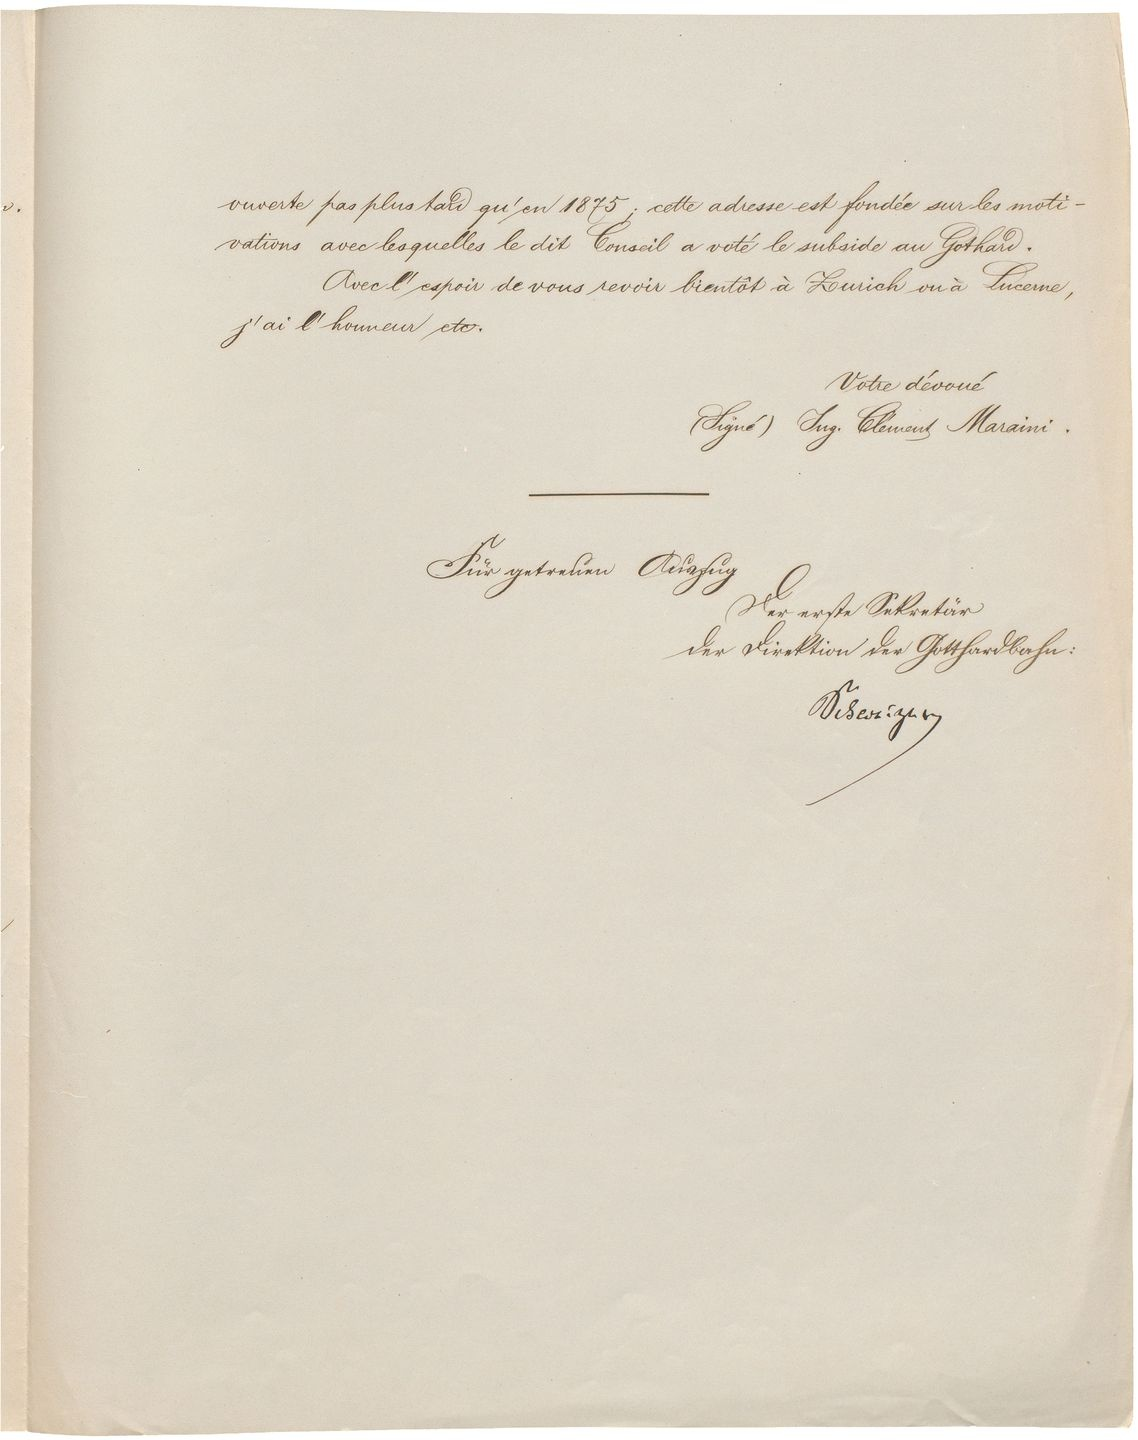ouverte pas plus tard qu'en 1875; cette adresse est fondée sur les moti-
vations avec lesquelles le dit Conseil a voté le subside au Gothard.
Avec l'espor de vous revoir bientôt à Zurich ou à Lucerne,
j'ai l'honneur etc.
Votre dévoué
(Signé) Ing. Clément Maraini.
Für getreuen Auszug
Der erste Sekretär
der Direction der Gotthardbahn:
Schweizer